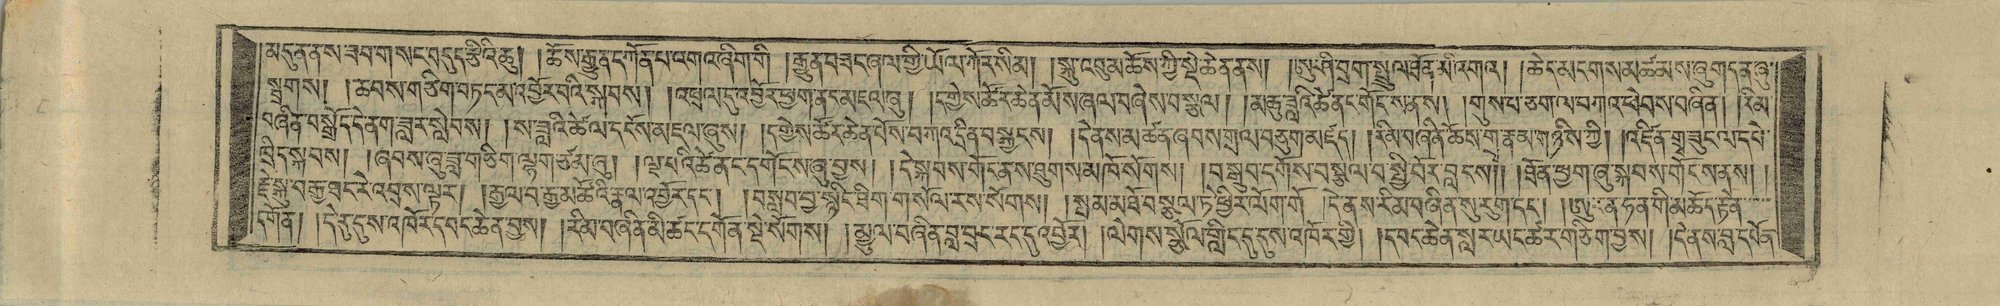མདུན་ནས་ཟབ་གསང་བདུད་རྩིའི་ཆུ། །ཆོས་རྒྱུན་དཀོན་པ་འགའ་ཞིག་གི །རྒྱུན་བཟང་ཞལ་གྱི་ཡོལ་ཀོར་སིམ། །སྐུ་འབུམ་ཆོས་ཀྱི་སྡེ་ཆེན་ནས། །ཨུ་ཤི་བྲག་སྤྲུལ་ཐོན་མི་འགའ། །ཆེད་མངགས་མཚམས་ཞུ་གདན་ཞུ་
སྦྲགས། །ཆབས་གཅིག་བཏང་མ་འབྱོར་བའི་སྐབས། །འཕྲལ་དུ་འབྱོར་ཕྱག་ནང་མཇལ་ཞུ། །དགྱེས་ཚོར་ཆེན་མོས་ཞལ་བཞེས་བསྩལ། །མཆུ་ཟླའི་ཚེ་ནང་གོང་ས་ནས། །གུས་པ་ཅག་ལ་བཀའ་ཕེབས་བཞིན། །རིམ་
བཞིན་བསྒྲོད་དེ་ནག་ཟླར་སླེབས། །ས་ཟླའི་ཚེ་ལ་དངོས་མཇལ་ཞུས། །དགྱེས་ཚོར་ཆེན་པོས་བཀའ་དྲིན་བསྐྱངས། །དེ་ནས་མཚན་ཞབས་གྲལ་བཅུག་མཛད། །རིམ་བཞིན་ཆོས་གྲྭ་རྣམ་གཉིས་ཀྱི། །འཛིན་གྲྭ་ཟུང་ལ་དཔེ་
ཁྲིད་སྐབས། །ཞབས་ཞུ་ཟླ་གཅིག་ལྷག་ཙམ་ཞུ། །ལྔ་པའི་ཚེ་ནང་དགོངས་ཞུ་བྱས། །དེ་སྐབས་གོང་ནས་ཐུགས་མཁོ་སོགས། །བསྒྲུབ་དགོས་བསྩལ་བ་སྤྱི་བོར་བླངས།། །ཐོན་ཕྱག་ཞུ་སྐབས་གོང་ས་ནས། །
རྗེ་སྐུ་བརྒྱ་ཐང་རེ་འབྲས་ལྟར། །རྒྱལ་བ་རྒྱ་མཚོའི་རྣལ་འབྱོར་དང་། །བསླབ་བྱ་སྙིང་ཐིག་གསོལ་རས་སོགས། །སྤམ་མཐོ་བསྩལ་ཏེ་ཕྱིར་ལོག་གོ །དེ་ནས་རིམ་བཞིན་སུ་རུག་དང་། །ཨུ་རན་ཧན་གི་མཆོད་རྟེན་
དགོན། །དེ་རུ་དུས་འཁོར་དབང་ཆེན་བྱས། །རིམ་བཞིན་མི་ཚང་དགོན་སྡེ་སོགས། །མྱུལ་བཞིན་བླ་བྲང་རང་དུ་འབྱོར། །ལེགས་སྩོལ་གླིང་དུ་དུས་འཁོར་གྱི། །དབང་ཆེན་སླར་ཡང་ཚར་གཅིག་བྱས། །དེ་ནས་བླ་དཔོན་